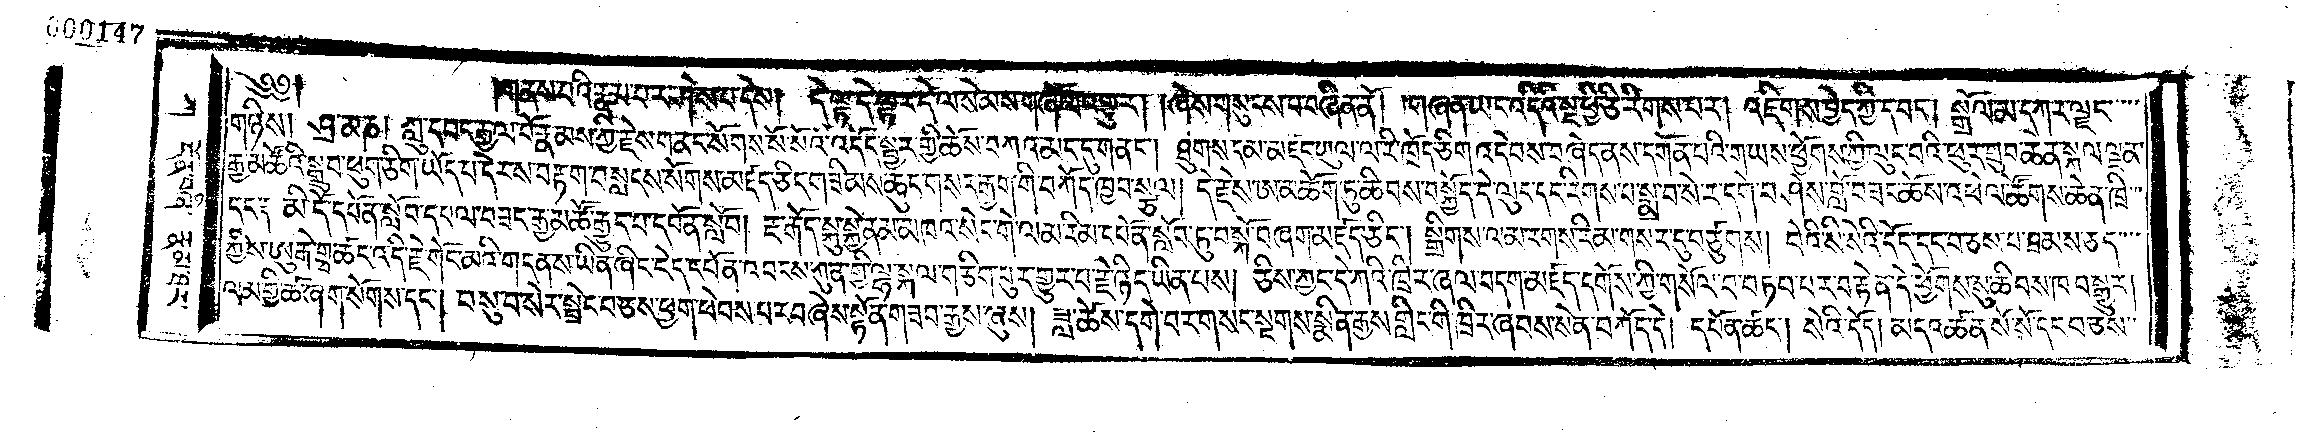༄༅། །གནས་པའི་རྣམ་པར་ཤེས་པ་དེས། །དེ་ལྟ་དེ་ལྟར་དེ་ལ་སེམས་གཞོལ་འགྱུར། །ཞེས་གསུངས་པ་བཞིན་ནོ། །གཞན་ཡང་འདིའི་སྔ་ཕྱི་ཅི་རིགས་པར། འཇིགས་བྱེད་ཀྱི་དབང་། སྒྲོལ་མ་དཀར་ལྗང་
གཉིས། ཤྲམ་ཎ། ཀླུ་དབང་རྒྱལ་པོ་རྣམས་ཀྱི་རྗེས་གནང་སོགས་སོ་སོའི་འདོད་སྦྱར་གྱི་ཆོས་བཀའ་མང་དུ་གནང་། ཐུགས་དམ་མཛད་ཡུལ་ལ་རི་ཁྲོད་ཅིག་འདེབས་བཞེད་ནས་དགོན་པའི་གཡས་ཕྱོགས་ཀྱི་ལུང་པའི་ཕུར་གྲུབ་ཆེན་སྐལ་ལྡན་
རྒྱ་མཚོའི་སྒྲུབ་ཕུག་ཅིག་ཡོད་པ་དེར་ས་བརྟག་བསླངས་སོགས་མཛད་ཅིང་གཟིམས་ཆུང་གསར་རྒྱག་གི་བཀོད་ཁྱབ་སྩལ། དེ་རྗེས་ཨ་མཆོག་ཏུ་ཆིབས་བསྐྱོད་དེ་ལུང་དང་རིགས་པ་སྨྲ་བ་སེ་ར་དགེ་བཤེས་བློ་བཟང་ཆོས་འཕེལ་ཚོགས་ཆེན་ཁྲི་
དང༑ མི་དོ་དཔོན་སློབ་དཔལ་བཟང་རྒྱ་མཚོ་རྒྱུད་པ་དཔོན་སློབ། རྔ་རྒོད་སྐུ་སྐྱེ་ནམ་མཁའ་སེང་གེ་ལམ་རིམ་དཔོན་སློབ་ཏུ་བསྐོ་བཞག་མཛད་ཅིང་། སྒྲིགས་ལམ་རགས་རིམ་གསར་དུ་བཙུགས། པེའི་སི་སེའི་དོད་དང་བཅས་པ་ཐམས་ཅད་
ཀྱིས་ཨུརྒེ་གྲྭ་ཚང་འདི་རྗེ་གོང་མའི་གདན་ས་ཡིན་ཞིང་ངེད་དཔོན་འབངས་ཀུན་གྱི་ལྷ་སྐལ་གཅིག་པུར་གྱུར་པ་རྗེ་ཉིད་ཡིན་པས། ཅིས་ཀྱང་དེ་ཀའི་ཁྲིར་ཞལ་བདག་མཛད་དགོས་ཀྱི་གསོལ་བ་བཏབ་པར་བརྟེན་དེ་ཕྱོགས་སུ་ཆིབས་ཁ་བསྒྱུར།
ལམ་གྱི་ཚ་ཞག་སོགས་དང་། བསུ་བ་སེར་སྦྲེང་བཅས་ཕྱག་ཕེབས་པར་བཞེས་སྟོན་གཟབ་རྒྱས་ཞུས། ཟླ་ཚེས་དགེ་བར་གསང་སྔགས་སྨིན་རྒྱས་གླིང་གི་ཁྲིར་ཞབས་སེན་བཀོད་དེ། དཔོན་ཚང་། སེའི་དོད། མདའ་ཚན་སོ་སོ་དང་བཅས་